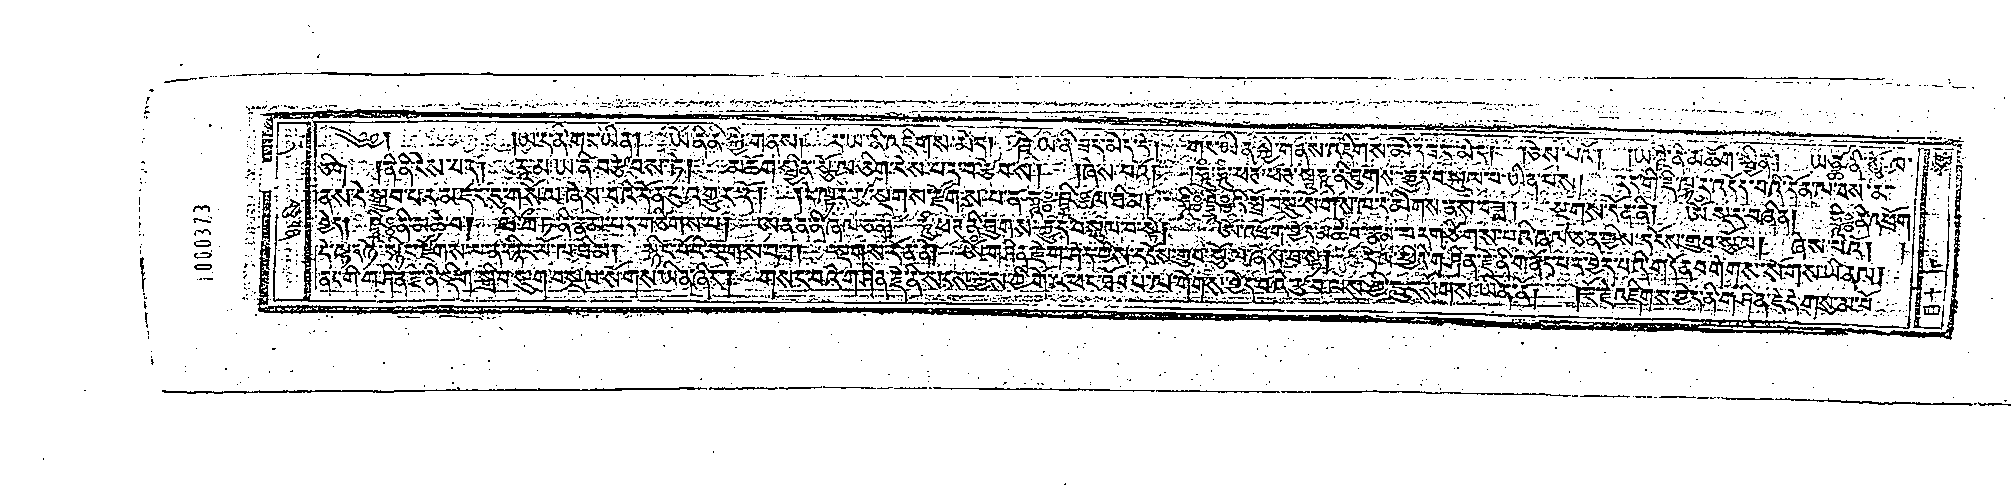༄༅། །ཡ་ང་ནི་གང་ཡིན། ཡོ་ནི་ནི་སྐྱེ་གནས། ར་ཡ་ནི་འཇིགས་མེད། ཀྵེ་ཡ་ནི་ཟད་མེད་དེ། གང་ཡིན་སྐྱེ་གནས་འཇིགས་མེད་ཟེར་མེད། །ཅེས་པའོ། །ཡ་ཀྵེ་ནི་མཆོག་སྦྱིན། ཡཙྪ་ནི་སྩོལ་
ཅིག །ནི་ནི་ངེས་པར། རཱ་མ་ཡ་ནི་བརྩེབས་ཏེ། མཆོག་སྦྱིན་སྩོལ་ཅིག་ངེས་པར་བརྩེ་བས། །ཞེས་པའོ། །ཧཱུཾ་ཧཱུཾ་ཕཊ་ཕཊ་སྭཱ་ཧཱ་ནི་ཐུགས་རྒྱུད་བསྐུལ་བ་ཡིན་པས། རང་གི་ཇི་ལྟར་འདོད་པའི་དོན་ལ་བསམ་
ནས་དེ་སྒྲུབ་པར་མཛད་དུ་གསོལ་ཞེས་བའི་དོན་དུ་འགྱུར་རོ། །དེ་ལྟར་རྩ་སྔགས་རྫོགས་པ་ན་ཧཱཿ་ཥྚཱིཿ་ལ་ཐིམ། ཧཱིཿ་ཥྚྲཱིཿ་འི་སྤྲོ་བསྡུ་སོགས་ལ་དམིགས་ནས་བཟླ། སྔགས་དོན་ནི། ཨོཾ་སྔར་བཞི། ཧྲཱིཿ་ནི་འཕྲོ་
བྱེད། ཥྚཱིཿ་ནི་མཆེ་བ། ཝི་ཀྲྀ་ཏ་ནི་རྣམ་པར་གཙིགས་པ། ཨན་ན་ནི་ཞལ་ཅན། ཧཱུཾ་ཕཊ་ནི་ཐུགས་རྒྱུད་བསྐུལ་བ་སྟེ། ཨོཾ་འཕྲོག་བྱེད་མཆེ་བ་རྣམ་པར་གཙིགས་པའི་ཞལ་ཅན་གྱིས་དངོས་གྲུབ་སྩོལ། ཞེས་པའོ། །
དེ་ལྟར་ཉེ་སྙིང་རྫོགས་པ་ན་སྙིང་པོ་ལ་ཐིམ། སྙིང་པོའི་སྔགས་བཟླ། སྔགས་དོན་ནི། ཨོཾ་གཤིན་རྗེ་གཤེད་ཀྱིས་དངོས་གྲུབ་སྩོལ་ཞེས་པ་སྟེ། དེ་ལ་ཕྱིའི་གཤིན་རྗེ་ནི་གནོད་པར་བྱེད་པའི་གདོན་བགེགས་སོགས་ཡིན་ལ།
ནང་གི་གཤིན་རྗེ་ནི་སྡིག་སྒྲིབ་སྡུག་བསྔལ་སོགས་ཡིན་ཞིང་། གསང་བའི་གཤིན་རྗེ་ནི་སངས་རྒྱས་ཀྱི་གོ་འཕང་ཐོབ་པ་ལ་གེགས་བྱེད་བའི་རྩ་བ་ལས་ཀྱི་རླུང་སོགས་ཡིན་ནོ། །རྡོ་རྗེ་འཇིགས་བྱེད་ནི་གཤིན་རྗེ་དེ་གསུམ་པོ་